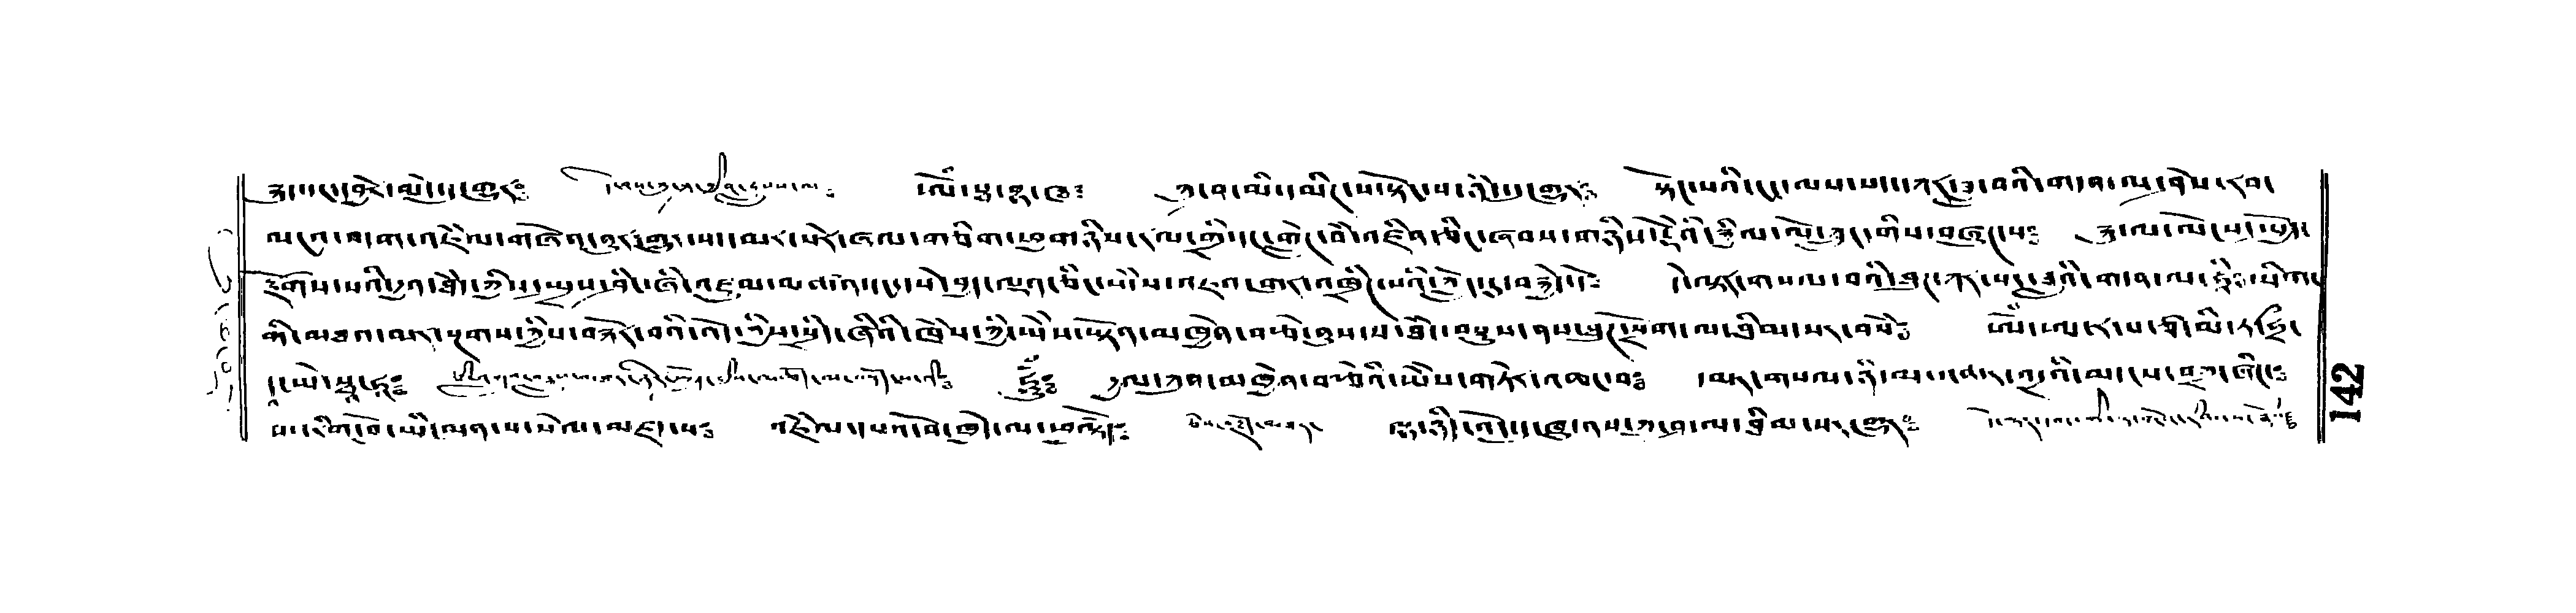སྐུད་དང་དབྱེར་མེད་དུ་གྱུར༔ དེ་ནས་ཀུ་ཤ་བྱིན་རླབས་ལ༔ ཨོཾ་སྭ་བྷ་ཝ༴ ཀུ་ཤ་མི་དམིགས་པ་སྟོང་པ་ཉིད་དུ་གྱུར༔ སྟོང་པའི་ངང་ལས་པད་དཀར་ཟླ་བའི་གདན་ལ་ཤེས་རབ་
མངའ་བདག་འཇམ་དཔལ་གཞོན་ནུར་གྱུར་པ་དམར་པོར་ཞལ་གཅིག་ཕྱག་གཉིས་རལ་གྲི་དང་གླེགས་བམ་འཛིན་ཞིང་ཞབས་གཉིས་རྡོ་རྗེའི་སྐྱིལ་མོ་ཀྲུང་གིས་བཞུགས་པ༔ སྐུ་ལ་ལོངས་སྤྱོད་
རྫོགས་པའི་རྒྱན་ཐམས་ཅད་ཀྱིས་སྤྲས་ཤིང་ཞི་འཛུམ་མཚན་དང་དཔེ་བྱད་ལྡན་ཅིང་ཡེ་ཤེས་འཇའ་གུར་འཁྲིགས་པའི་ཀློད་དུ་བསྐྱེད་དོ༔ དེ་ལྟར་གསལ་བའི་ཐུགས་ཀར་པད་ཟླའི་གདན་ལ་དྷཱིཿཡིག་
གི་མཐའ་མར་སྔགས་ཀྱིས་བསྐོར་བའི་འོད་ཀྱིས་སྲིད་ཞིའི་ཁམས་ཀྱི་ཡེ་ཤེས་ཡོན་ཏན་མཁྱེན་བརྩེ་ནུས་པ་ཐམས་ཅད་བསྡུས་ནས་ཐུགས་སྲོག་ལ་ཐིམ་པར་བསམ༔ཨོཾ་ཨ་ར་པ་ཙ་མི་ཏ་ཧྲྀ་
དཱ་ཡེ་སྭཱ་ཧཱ༔ ཅི་འགྲུབ་བཟླས་མཐར་ཉེར་སྤྱོད་ཀྱིས་མཆོད་ལ་བསྟོད་པ་ནི༔ ཧཱུྃ༔ རྒྱལ་ཀུན་མཁྱེན་བརྩེའི་ཡེ་ཤེས་གཏེར་འཆང་བ༔ དམར་གསལ་ཉི་མ་འཆར་འདྲའི་མདངས་བཀྲ་ཞིང༔ 
མ་རིག་བློ་ཡི་མུན་པ་སེལ་མཛད་པ༔ འཇམ་དཔལ་དཔའ་བོ་ཁྱོད་ལ་ཕྱག་འཚལ་བསྟོད༔ ཅེས་བརྗོད་མཐར༔ ལྷ་ཉིད་འོད་དུ་ཞུ་ནས་ཀུ་ཤ་ལ་ཐིམ་པར་གྱུར༔ དེ་ལྟར་དབང་གི་སྟ་གོན་རིམ་པ་རྣམས༔